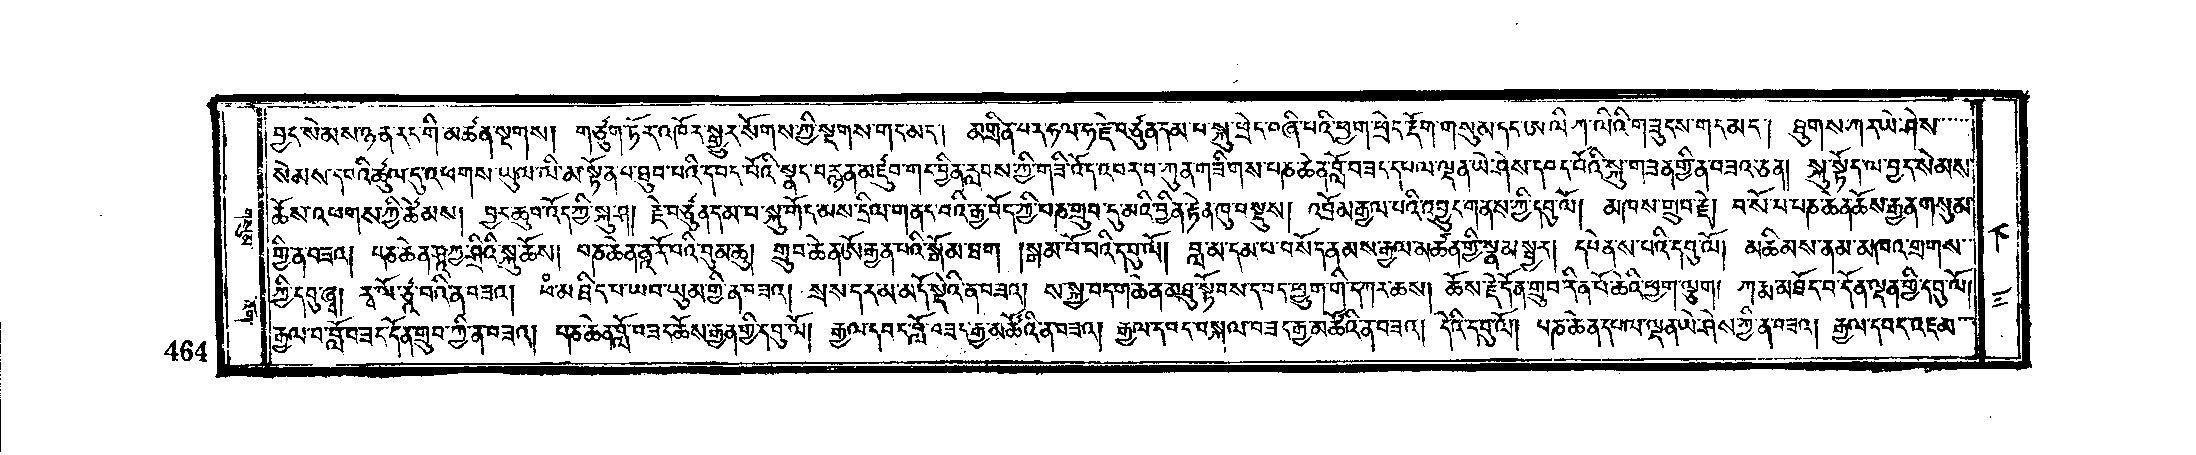བྱང་སེམས་ཉན་རང་གི་མཚན་སྔགས། གཙུག་ཏོར་འཁོར་སྒྱུར་སོགས་ཀྱི་སྔགས་གང་མང་། མགྲིན་པར་ཧལ་ཧ་རྗེ་བཙུན་དམ་པ་སྐུ་ཕྲེང་བཞི་པའི་ཕྱག་ཕྲེང་རྡོག་གསུམ་དང་ཨ་ལི་ཀ་ལིའི་གཟུངས་གང་མང་། ཐུགས་ཀར་ཡེ་ཤེས་
སེམས་དཔའི་ཚུལ་དུ་འཕགས་ཡུལ་ལི་མ་སྟོན་པ་ཐུབ་པའི་དབང་པོའི་སྣང་བརྙན་མཛུབ་གང་བྱིན་རླབས་ཀྱི་གཟི་འོད་འབར་བ་ཀུན་གཟིགས་པཎ་ཆེན་བློ་བཟང་དཔལ་ལྡན་ཡེ་ཤེས་དབང་པོའི་སྐུ་གཟན་གྱི་ན་བཟའ་ཅན། སྐུ་སྟོད་ལ་བྱང་སེམས་
ཆོས་འཕགས་ཀྱི་ཚེམས། བྱང་ཆུབ་འོད་ཀྱི་སྐུ་ཤ། རྗེ་བཙུན་དམ་པ་སྐུ་གོང་མས་དྲིལ་གནང་བའི་རྒྱ་བོད་ཀྱི་པཎ་གྲུབ་དུ་མའི་བྱིན་རྟེན་ཁུ་བསྡུས། འབྲོམ་རྒྱལ་པའི་འབྱུང་གནས་ཀྱི་དབུ་ལོ། མཁས་གྲུབ་རྗེ། བ་སོ་པ་པཎ་ཆེན་ཆོས་རྒྱན་གསུམ་
གྱི་ན་བཟའ། པཎ་ཆེན་ཤཱཀྱ་ཤྲིའི་སྐུ་ཆོས། པཎ་ཆེན་ནཱ་རོ་པའི་བུམ་ཆུ། གྲུབ་ཆེན་ཨོ་རྒྱན་པའི་སྒོམ་ཐག །སྒམ་པོ་པའི་དབུ་ལོ། བླ་མ་དམ་པ་བསོད་ནམས་རྒྱལ་མཚན་གྱི་སྣམ་སྦྱར། དཔེན་ས་པའི་དབུ་ལོ། མཆིམས་ནམ་མཁའ་གྲགས་
ཀྱི་དབུ་ཞྭ། རྭ་ལོ་ཙཱ་བའི་ན་བཟའ། ཕཾ་མཐིང་པ་ཡབ་ཡུམ་གྱི་ན་བཟའ། སྲས་དར་མ་མདོ་སྡེའི་ན་བཟའ། ས་སྐྱ་བདག་ཆེན་མཐུ་སྟོབས་དབང་ཕྱུག་གི་དཀར་ཆས། ཆོས་རྗེ་དོན་གྲུབ་རིན་པོ་ཆེའི་ཕྱག་ལྕག། ཀརྨ་མཐོང་བ་དོན་ལྡན་གྱི་དབུ་ལོ།
རྒྱལ་བ་བློ་བཟང་དོན་གྲུབ་ཀྱི་ན་བཟའ། པཎ་ཆེན་བློ་བཟང་ཆོས་རྒྱན་གྱི་དབུ་ལོ། རྒྱལ་དབང་བློ་བཟང་རྒྱ་མཚོའི་ན་བཟའ། རྒྱལ་དབང་བསྐལ་བཟང་རྒྱ་མཚོའི་ན་བཟའ། དེའི་དབུ་ལོ། པཎ་ཆེན་དཔལ་ལྡན་ཡེ་ཤེས་ཀྱི་ན་བཟའ། རྒྱལ་དབང་འཇམ་